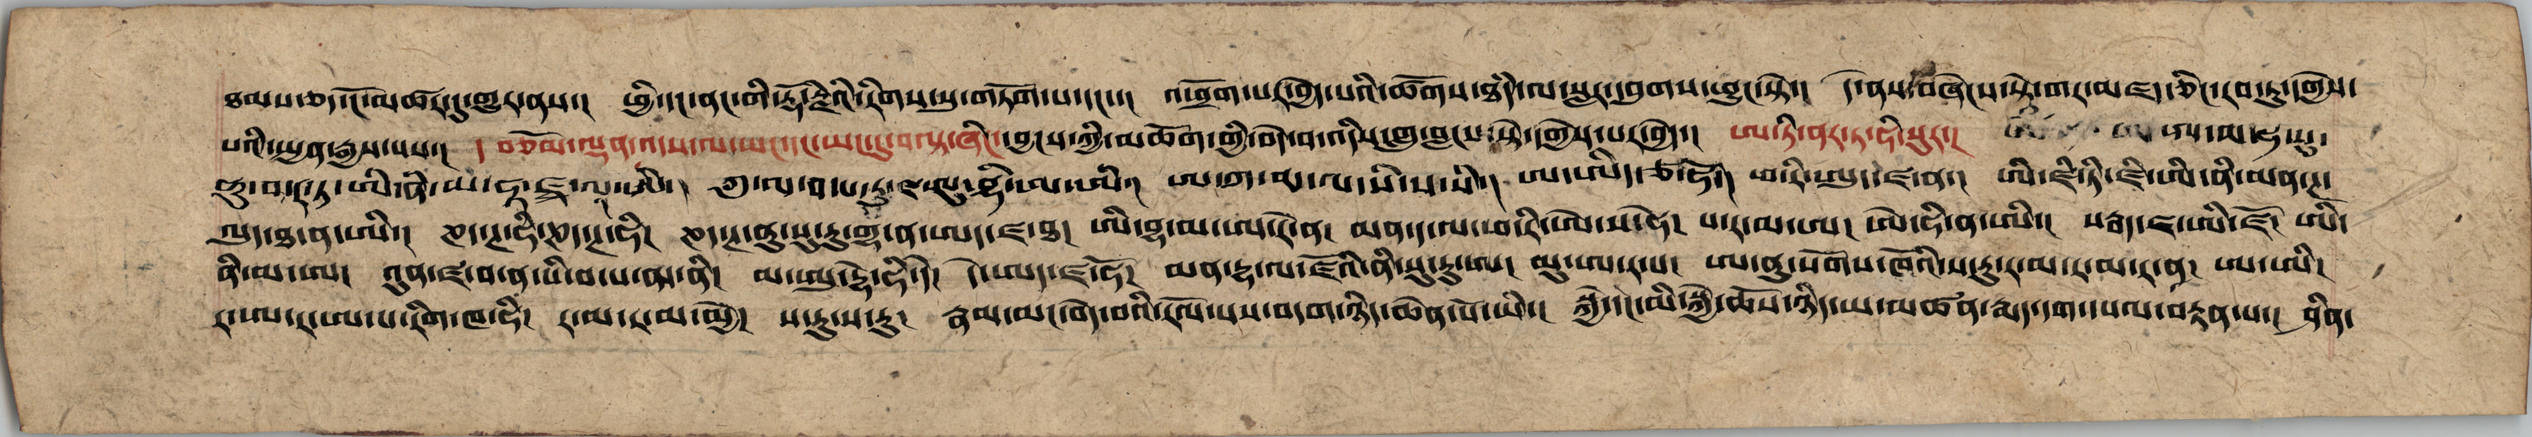ཐམས་ཅད་ངོ་མཚར་དུ་གྱུར་ནས་། ཕྱི་དང་ནང་གི་རྡོ་རྗེའི་རིགས་སུ་གཏོག་པ་དང་་། འཕྲོག་པར་བྱེད་པའི་ཚོགས་ཐཾད་ལ་སླར་དབུགས་ཕྱུང་སྟེ་། དེ་ནས་བཞེངས་སྟེ་གར་མཛད་ཅིང་རབ་ཏུ་དགྱེས་
པའི་སྤྱན་རྒྱས་པས་། །བཅོམ་ལྡན་འདས་ལ་ཡང་དང་ཡང་དུ་བལྟ་ཞིང་དབྱངས་ཀྱི་མཆོག་གྱི་བདེ་བ་འདིས་གླུ་བླངས་ཏེ་དགྱེས་པར་བྱེད་། ཨ་ཏི་ནར་ཏ་ཧི་སུར་། ཨོཾ་བཛྲ་ཨ་ཨ་མ་ཧ་སུ་
ཧུ་བ་ར་ཏ་ཨི་ནི་མ་ཧཱ་ཛྭ་ལཱ་ཨི་། ཀུ་ལ་བ་ས་རུ་ཛ་ལུ་བྷི་ཨ་ཨི་། ཨ་ཀ་མ་ལ་སི་ས་སི་། ཨ་ཨིད་ཙ་ཧོ་། ཕ་རི་ཨུད་ཛ་ན་། ཨི་ཛི་ཏི་ཛི་ཨི་ནི་མན་ཊ་
ལུད་ཐ་ན་ཨི་། ཎད་ཊ་ཧི་ཎད་ཊ་ཧི། ཎད་ཊ་ནུ་སུ་རུ་གྷ་ན་ཨད་ཛ་ཐ། ཨི་བྷ་མ་ཨ་རེ་ན། མན་ད་ལ་ཕ་རི་ཨེ་ས་ཧེ། ས་ར་མ་ཨ། ཨེ་ཧི་ན་ཨི་། སརྦད་ཛ་ཨི་ཛོ། ཨི་
ནི་མ་ཨ། འུན་ཛ་བ་ན་སི་བ་ས་ནད་ནི། མ་ཨུར་དྷེ་ཧི་དེ། དེ་ཨད་ཛ་ཧོ། མན་དྷ་ལ་ཛོའི་ནི་སུ་རུ་ཨ། མུ་ཨ་ར་ས། ཨ་ནུ་སོགས་ཁོའི་ས་རུ་ར་མ་ར་མ་ར་ན། ཨ་ཨི།
ར་ཨ་ར་ཨ་པ་རིག་ཁ་ཧི། ར་ལ་ཏ་མ་མྱེ། ས་རུ་ས་རུ། རྣམ་མང་བདེ་བའི་རོལ་པས་བདག་ཉིད་ཆེན་པོ་ཡི་། སྐྱེ་དང་མི་སྐྱེ་ཆོས་ཉིད་ཡ་མཚན་རྨད་དག་དཔལ་བརྟན་པ་། ཤིན་